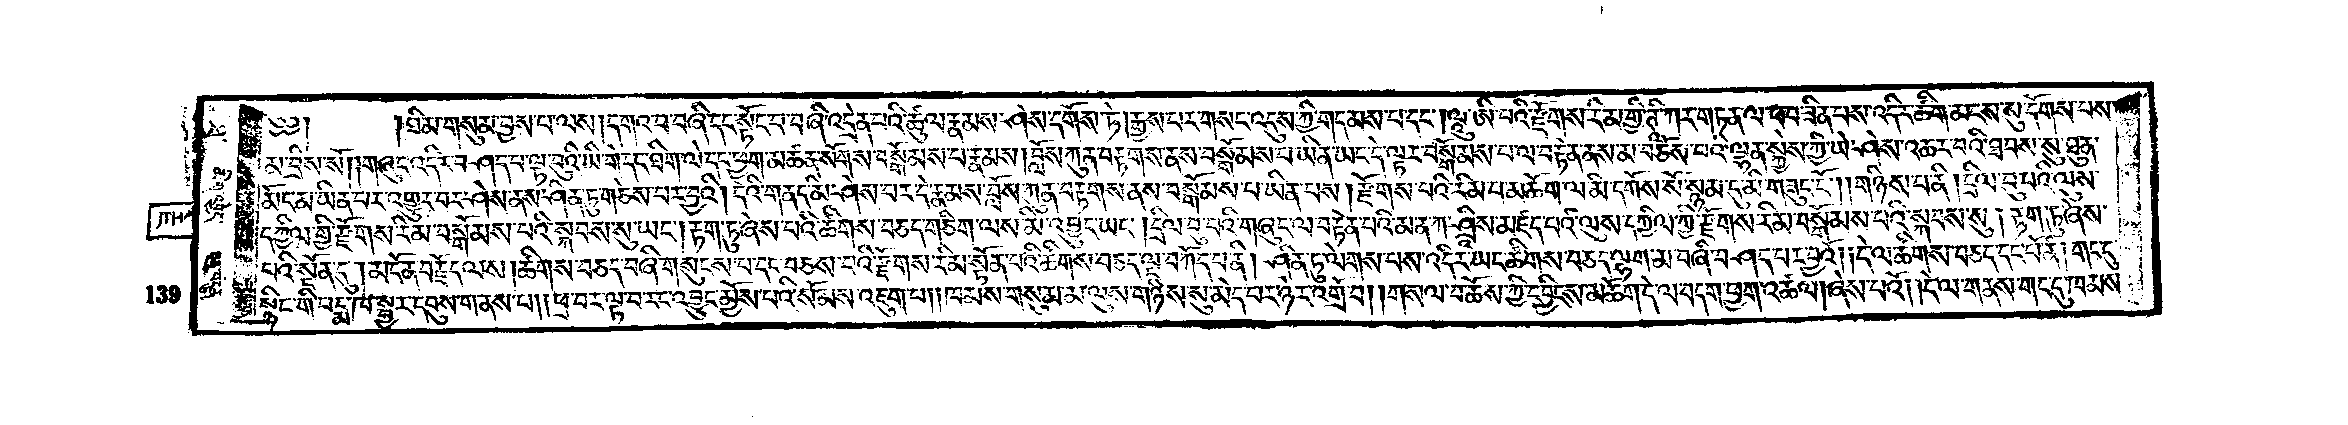༄༅། །ཐིམ་གསུམ་བྱས་པ་ལས། དགའ་བ་བཞི་དང་སྟོང་པ་བཞི་འདྲེན་པའི་ཚུལ་རྣམས་ཤེས་དགོས་ཏེ། རྒྱས་པར་གསང་འདུས་ཀྱི་གདམས་པ་དང་། ལཱུ་ཨི་པའི་རྫོགས་རིམ་གྱི་ཊཱི་ཀར་གཏན་ལ་བབ་ཟིན་པས་འདིར་ཚིག་མངས་སུ་དོགས་པས་
མ་བྲིས་སོ། །གཞུང་འདིར་བཤད་པ་ལྟ་བུའི་ཡི་གེ་དང་ཐིག་ལེ་དང་ཕྱག་མཚན་སོགས་བསྒོམས་པ་རྣམས། བློས་ཀུན་བརྟགས་ནས་བསྒོམས་པ་ཡིན་ཡང་དེ་ལྟར་བསྒོམས་པ་ལ་བརྟེན་ནས་མ་བཅེས་པའི་ལྷན་སྐྱེས་ཀྱི་ཡེ་ཤེས་འཆར་བའི་ཐབས་སུ་ཐུན་
མོང་མ་ཡིན་པར་འགྱུར་བར་ཤེས་ནས་ཤིན་ཏུ་གཅེས་པར་བྱའི། དེའི་གནད་མི་ཤེས་པར་དེ་རྣམས་བློས་ཀུན་བརྟགས་ནས་བསྒོམས་པ་ཡིན་པས། རྫོགས་པའི་རིམ་པ་མཆོག་ལ་མི་དགོས་སོ་སྙམ་དུ་མི་གཟུང་ངོ། །གཉིས་པ་ནི། དྲིལ་བུ་པའི་ལུས་
དཀྱིལ་གྱི་རྫོགས་རིམ་བསྒོམས་པའི་སྐབས་སུ་ཡང་། རྟག་ཏུ་ཞེས་པའི་ཚིགས་བཅད་གཅིག་ལས་མི་འབྱུང་ཡང་། དྲིལ་བུ་པའི་གཞུང་ལ་བརྟེན་པའི་མ་ན་ཀ་ཤྲཱིས་མཛད་པའི་ལུས་དཀྱིལ་གྱི་རྫོགས་རིམ་བསྒོམས་པའི་སྐབས་སུ། རྟག་ཏུ་ཞེས་
པའི་སྔོན་དུ། མངོན་བརྗོད་ལས། ཚིགས་བཅད་བཞི་གསུངས་པ་དང་བཅས་པའི་རྫོགས་རིམ་སྟོན་པའི་ཚིགས་བཅད་ལྔ་བཀོད་པ་ནི། ཤིན་ཏུ་ལེགས་པས་འདིར་ཡང་ཚིགས་བཅད་ལྷག་མ་བཞི་བཤད་པར་བྱའོ། །དེ་ལ་ཚིགས་བཅད་དང་པོ་ནི། གང་དུ་
སྙིང་གི་པདམ་ཁ་སྦྱར་དབུས་གནས་པ། །ཕྲ་བར་ལྟ་བ་རང་འབྱུང་མྱོས་པའི་སེམས་འཇུག་པ། །ཁམས་གསུམ་མ་ལུས་གཉིས་སུ་མེད་པར་ཉེར་འགྲོ་བ། །གསལ་བ་ཆོས་ཀྱི་དབྱིངས་མཆོག་དེ་ལ་བདག་ཕྱག་འཚལ། ཞེས་པའོ། །དེ་ལ་གནས་གང་དུ་ཁམས་